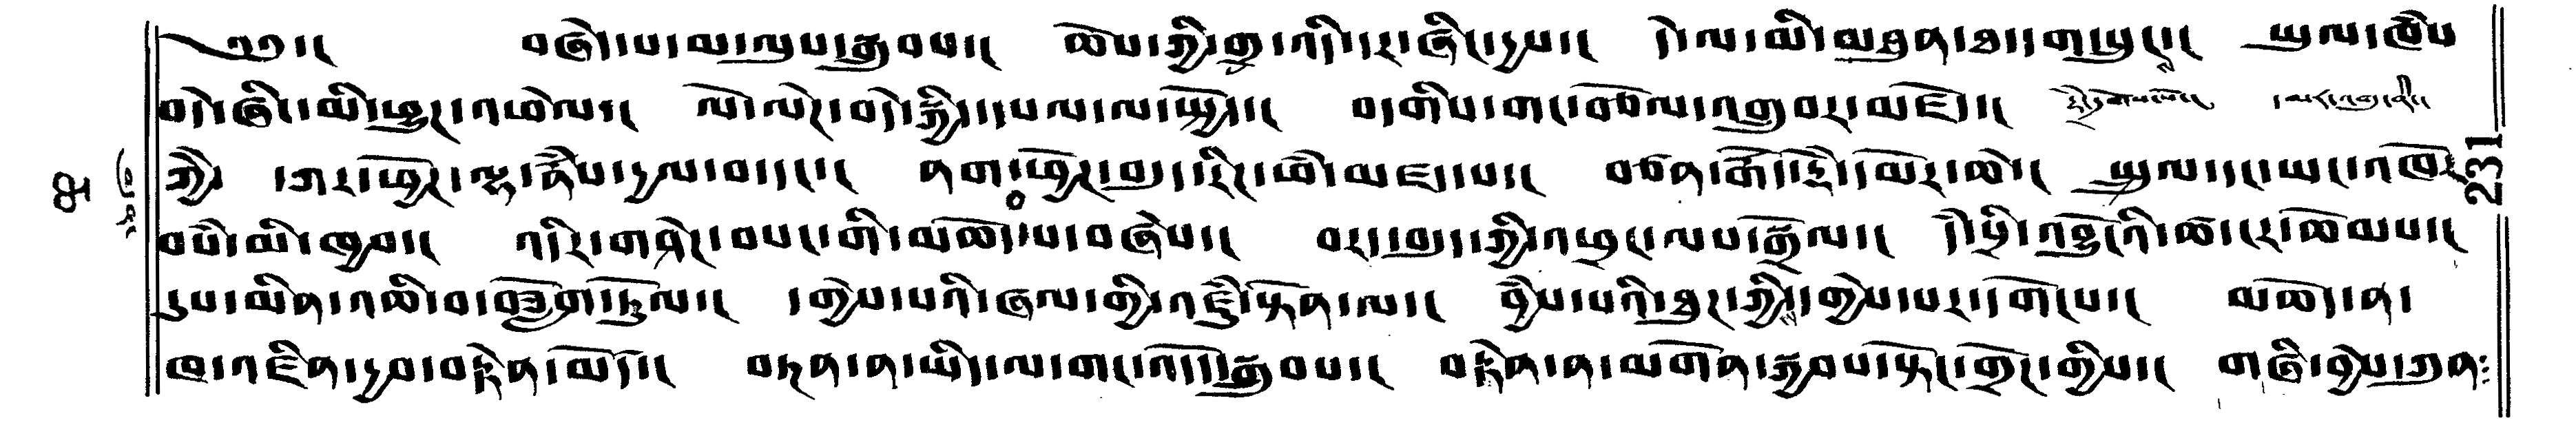བཞེད་པ་མ་ལུས་སྒྲུབས། །ཆོས་ཀྱི་གྲྭ་འདི་དར་ཞིང་རྒྱས། །དེ་ལ་མི་མཐུན་མཐའ་དག་སྲུངས། །ཡུལ་ཁམས་
བདེ་ཞིང་མི་ཕྱུགས་འཕེལ། །ལོ་ལེགས་བདེ་སྐྱིད་དཔལ་ལ་སྤྱོད། །བདག་གིས་གང་བཅོལ་འགྲུབ་པར་མཛོད། ། རྡོ་རྗེ་དྲག་པོས་སོ།། །དམར་འགུ་ནི། 
ཀྱཻ། དཀར་ཕྱོགས་ལྷ་རྣམས་རྒྱལ་བ་དང་། །ནག་ཕྱོགས་བདུད་རིགས་ཕམ་མཛད་པ། །བཙན་རྒོད་རྡོ་རྗེ་དམར་པོ་ཆེ། །སྤྲུལ་དང་ཡང་འཁོར་
བསམ་མི་ཁྱབ། །འདིར་གཤེགས་བསང་གི་མཆོད་པ་བཞེས། །བར་ཆད་བདུད་ཀྱི་འཕྲང་ལས་སྒྲོལ། །དམ་སྲི་འབྱུང་པོའི་ཚ་ངར་ཆོམས། །
དུས་མིན་འཆི་བ་བཟློག་ཏུ་གསོལ། །དགྱེས་པའི་ཞལ་གྱི་འཛུམ་སྟོན་ལ། །བྱམས་པའི་ཐུགས་ཀྱིས་དགྱེས་པར་དགོངས། །མཆོད་ན་
ཁ་འཛིན་རྒྱབ་བརྟེན་མཛོད། །བརྔན་ན་ཡིད་ལ་གང་འདོད་སྒྲུབས། །བརྟེན་ན་མགོན་སྐྱབས་སྟོང་གྲོགས་གྱིས། །གཞིས་བྱེས་ཀུན་